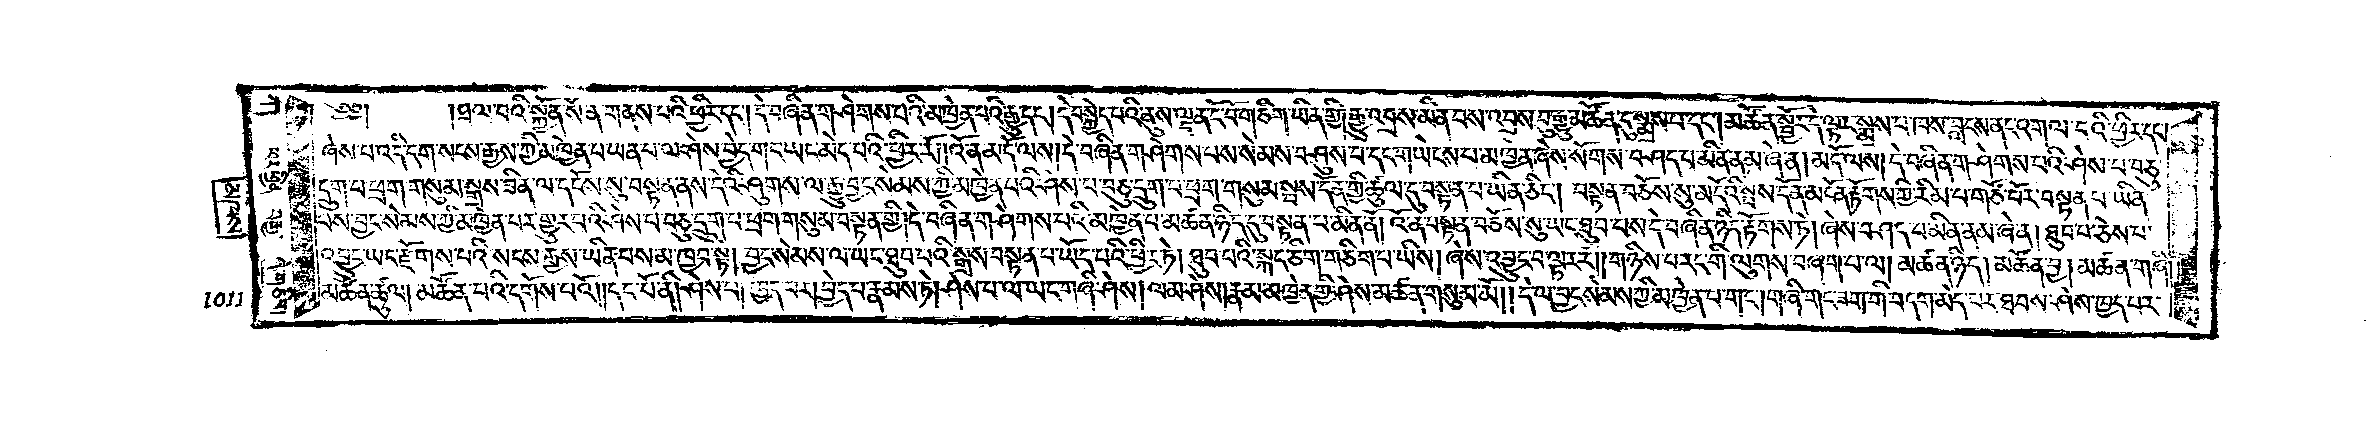༄༅། །ཐལ་བའི་སྐྱོན་སོ་ན་གནས་པའི་ཕྱིར་དང་། དེ་བཞིན་གཤེགས་པའི་མཁྱེན་པའི་རྒྱུ་དང་། དེ་བསྐྱེད་པའི་ནུས་ལྡན་ངོ་བོ་གཅིག་ཡིན་གྱི། རྒྱུ་འབྲས་མིན་པས་འབྲས་བུ་རྒྱུ་མཚོན་དུ་སྨྲས་པ་དང་། མཚོན་སྦྱོར་དེ་ལྟར་སྨྲས་པ་ཁས་བླངས་ནང་འགལ་བའི་ཕྱིར་དང་
ཞེས་པ་འདི་དག་སངས་རྒྱས་ཀྱི་མཁྱེན་པ་ཡིན་པ་ལ་ཤེས་བྱེད་གང་ཡང་མེད་པའི་ཕྱིར་རོ། །འོ་ན་མདོ་ལས། དེ་བཞིན་གཤེགས་པས་སེམས་བཤུས་པ་དང་གཡེངས་པ་མཁྱེན་ཞེས་སོགས་བཤད་པ་མིན་ནམ་ཞེ་ན། མདོ་ལས། དེ་བཞིན་གཤེགས་པའི་ཤེས་པ་བཅུ་
དྲུག་པ་ཕྲག་གསུམ་སྒྲས་ཟིན་ལ་དངོས་སུ་བསྟན་ནས་དེའི་ཤུགས་ལ་རྒྱུ་བྱང་སེམས་ཀྱི་མཁྱེན་པའི་ཤེས་པ་བཅུ་དྲུག་པ་ཕྲག་གསུམ་སྦས་དོན་གྱི་ཚུལ་དུ་བསྟན་པ་ཡིན་ཅིང་། བསྟན་བཅོས་སུ་མདོའི་སྦས་དོན་མངོན་རྟོགས་ཀྱི་རིམ་པ་གཙོ་བོར་བསྟན་པ་ཡིན་
པས་བྱང་སེམས་ཀྱི་མཁྱེན་པར་གྱུར་པའི་ཤེས་པ་བཅུ་དྲུག་པ་ཕྲག་གསུམ་བསྟན་གྱི། དེ་བཞིན་གཤེགས་པའི་མཁྱེན་པ་མཚན་ཉིད་དུ་བསྟན་པ་མིན་ནོ། འོ་ན་བསྟན་བཅོས་སུ་ཡང་ཐུབ་པས་དེ་བཞིན་ཉིད་རྟོགས་ཏེ། ཞེས་བཤད་པ་མིན་ནམ་ཞེ་ན། ཐུབ་པ་ཅེས་པ་
འབྱུང་ཡང་རྫོགས་པའི་སངས་རྒྱས་ཡིན་པས་མ་ཁྱབ་སྟེ། བྱང་སེམས་ལ་ཡང་ཐུབ་པའི་སྒྲས་བསྟན་པ་ཡོད་པའི་ཕྱིར་ཏེ། ཐུབ་པའི་སྐད་ཅིག་གཅིག་པ་ཡིས། ཞེས་འབྱུང་བ་ལྟར་རོ། །གཉིས་པ་རང་གི་ལུགས་བཞག་པ་ལ། མཚན་ཉིད། མཚོན་བྱ། མཚན་གཞི་
མཚོན་ཚུལ། མཚོན་པའི་དགོས་པའོ། །དང་པོ་ནི། ཤེས་པ། ཁྱད་པར། བྱེད་པ་རྣམས་ཏེ། ཤེས་པ་ལ་ཡང་གཞི་ཤེས། ལམ་ཤེས། རྣམ་མཁྱེན་གྱི་ཤེས་མཚན་གསུམ་མོ། །དེ་ལ་བྱང་སེམས་ཀྱི་མཁྱེན་པ་གང་། གཞི་གང་ཟག་གི་བདག་མེད་པར་ཐབས་ཤེས་ཁྱད་པར་